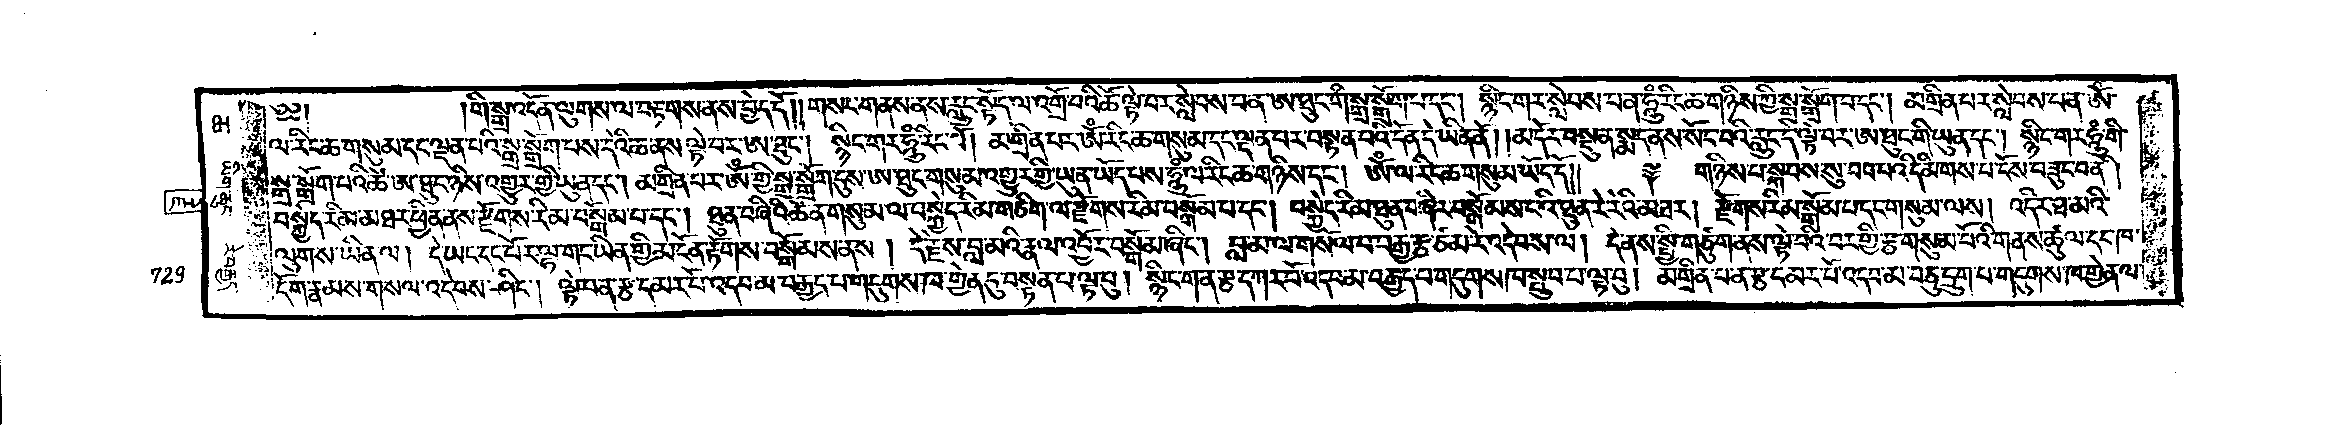༄༅། །གི་སྒྲ་འདོན་ལུགས་ལ་བརྟགས་ནས་བྱེད་དོ། །གསང་གནས་ནས་རླུང་སྟོད་ལ་འགྲོ་བའི་ཚེ་ལྟེ་བར་སླེབས་པ་ན་ཨ་ཐུང་གི་སྒྲ་སྒྲོག་པ་དང་། སྙིང་གར་སླེབས་པ་ན་ཧཱུཾ་རིང་ཆ་གཉིས་ཀྱི་སྒྲ་སྒྲོག་པ་དང་། མགྲིན་པར་སླེབས་པ་ན་ཨོཾ་
ལ་རིང་ཆ་གསུམ་དང་ལྡན་པའི་སྒྲ་སྒྲོག་པས་དེའི་ཆ་ནས་ལྟེ་བར་ཨ་ཐུང་། སྙིང་གར་ཧཱུཾ་རིང་པོ། མགྲིན་པར་ཨོཾ་རིང་ཆ་གསུམ་དང་ལྡན་པར་བསྟན་པའི་དོན་དེ་ཡིན་ནོ། །མདོར་བསྡུ་ན་སྨད་ནས་སོང་བའི་རླུང་དེ་ལྟེ་བར་ཨ་ཐུང་གི་ཡུན་དང་། སྙིང་གར་ཧཱུཾ་གི་
སྒྲ་སྒྲོག་པའི་ཚེ་ཨ་ཐུང་ཉིས་འགྱུར་གྱི་ཡུན་དང་། མགྲིན་པར་ཨོཾ་གྱི་སྒྲ་སྒྲོག་དུས་ཨ་ཐུང་གསུམ་འགྱུར་གྱི་ཡུན་ཡོད་པས་ཧཱུཾ་ལ་རིང་ཆ་གཉིས་དང་། ཨོཾ་ལ་རིང་ཆ་གསུམ་ཡོད་དོ།། ༈ གཉིས་པ་སྐབས་སུ་བབ་པའི་དམིགས་པ་ངོས་བཟུང་བ་ནི།
བསྐྱེད་རིམ་མཐར་ཕྱིན་ནས་རྫོགས་རིམ་བསྒོམ་པ་དང་། ཐུན་བཞིའི་ཚེ་ན་གསུམ་ལ་བསྐྱེད་རིམ་གཅིག་ལ་རྫོགས་རིམ་བསྒོམ་པ་དང་། བསྐྱེད་རིམ་ཐུན་བཞིར་བསྒོམས་པའི་ཐུན་རེ་རེའི་མཐར། རྫོགས་རིམ་སྒོམ་པ་དང་གསུམ་ལས། འདིར་ཐ་མའི་
ལུགས་ཡིན་ལ། དེ་ཡང་དང་པོར་ལྷ་གང་ཡིན་གྱི་མངོན་རྟོགས་བསྒོམས་ནས། དེ་རྗེས་བླ་མའི་རྣལ་འབྱོར་བསྒོམ་ཞིང་། བླ་མ་ལ་གསོལ་བ་བརྒྱ་རྩ་ཙམ་རེ་འདེབས་ལ། དེ་ནས་སྤྱི་གཙུག་ནས་ལྟེ་བའི་བར་གྱི་རྩ་གསུམ་པོའི་གནས་ཚུལ་དང་ཁ་
དོག་རྣམས་གསལ་འདེབས་ཤིང་། ལྟེ་བ་ན་རྩ་དམར་པོ་འདབ་མ་བརྒྱད་པ་གདུགས་ཁ་གྱེན་དུ་བསྟན་པ་ལྟ་བུ། སྙིང་ག་ན་རྩ་དཀར་པོ་འདབ་མ་བརྒྱད་པ་གདུགས་ཁ་སྤུབ་པ་ལྟ་བུ། མགྲིན་པ་ན་རྩ་དམར་པོ་འདབ་མ་བཅུ་དྲུག་པ་གདུགས་ཁ་གྱེན་ལ་